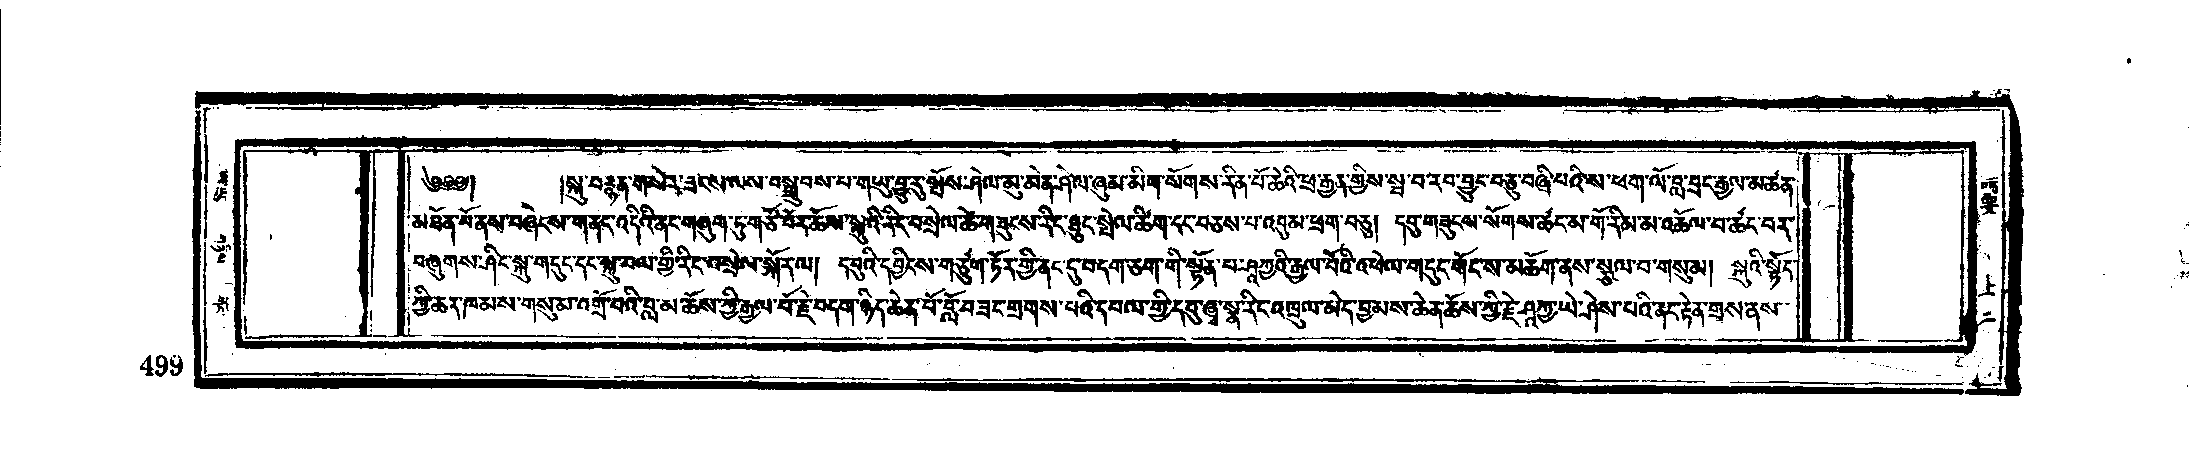༄༅༅། །སྐུ་བརྙན་གསེར་ཟངས་ལས་བསྒྲུབས་པ་གཡུ་བྱུ་རུ་སྤོས་ཤེལ་མུ་མེན་ཤེལ་ཞུམ་མིག་སོགས་རིན་པོ་ཆེའི་ཕྲ་རྒྱན་གྱིས་སྦ་བ་རབ་བྱུང་བཅུ་བཞི་པའི་ས་ཕག་ལོ་བླ་བྲང་རྒྱལ་མཚན་
མཐོན་པོ་ནས་བཞེངས་གནང་འདིའི་ནང་གཞུག་ཏུ་གཙོ་བོར་ཆོས་སྐུའི་རིང་བསྲེལ་ཚེ་གཟུངས་རིང་ཐུང་སྤེལ་ཚིག་དང་བཅས་པ་འབུམ་ཕྲག་བཅུ། དབུ་གཟུངས་སོགས་ཚང་མ་གོ་རིམ་མ་འཆོལ་བ་ཚང་བར་
བཞུགས་ཤིང་སྐུ་གདུང་དང་སྐུ་བལ་གྱི་རིང་བསྲེལ་སྐོར་ལ། དབུའི་དབྱིངས་གཙུག་ཏོར་གྱི་ནང་དུ་བདག་ཅག་གི་སྟོན་པ་ཤཱཀྱའི་རྒྱལ་བོའི་འཕེལ་གདུང་གོང་ས་མཆོག་ནས་སྩལ་བ་གསུམ། སྐུའི་སྟོང་
ཀྱི་ཆར་ཁམས་གསུམ་འགྲོ་བའི་བླ་མ་ཆོས་ཀྱི་རྒྱལ་པོ་རྗེ་བདག་ཉིད་ཆེན་པོ་བློ་བཟང་གྲགས་པའི་དཔལ་གྱི་དབུ་ཞྭ་སྣ་རིང་འཁྲུལ་མེད་བྱམས་ཆེན་ཆོས་ཀྱི་རྗེ་ཤཱཀྱ་ཡེ་ཤེས་པའི་ནང་རྟེན་གྲས་ནས་